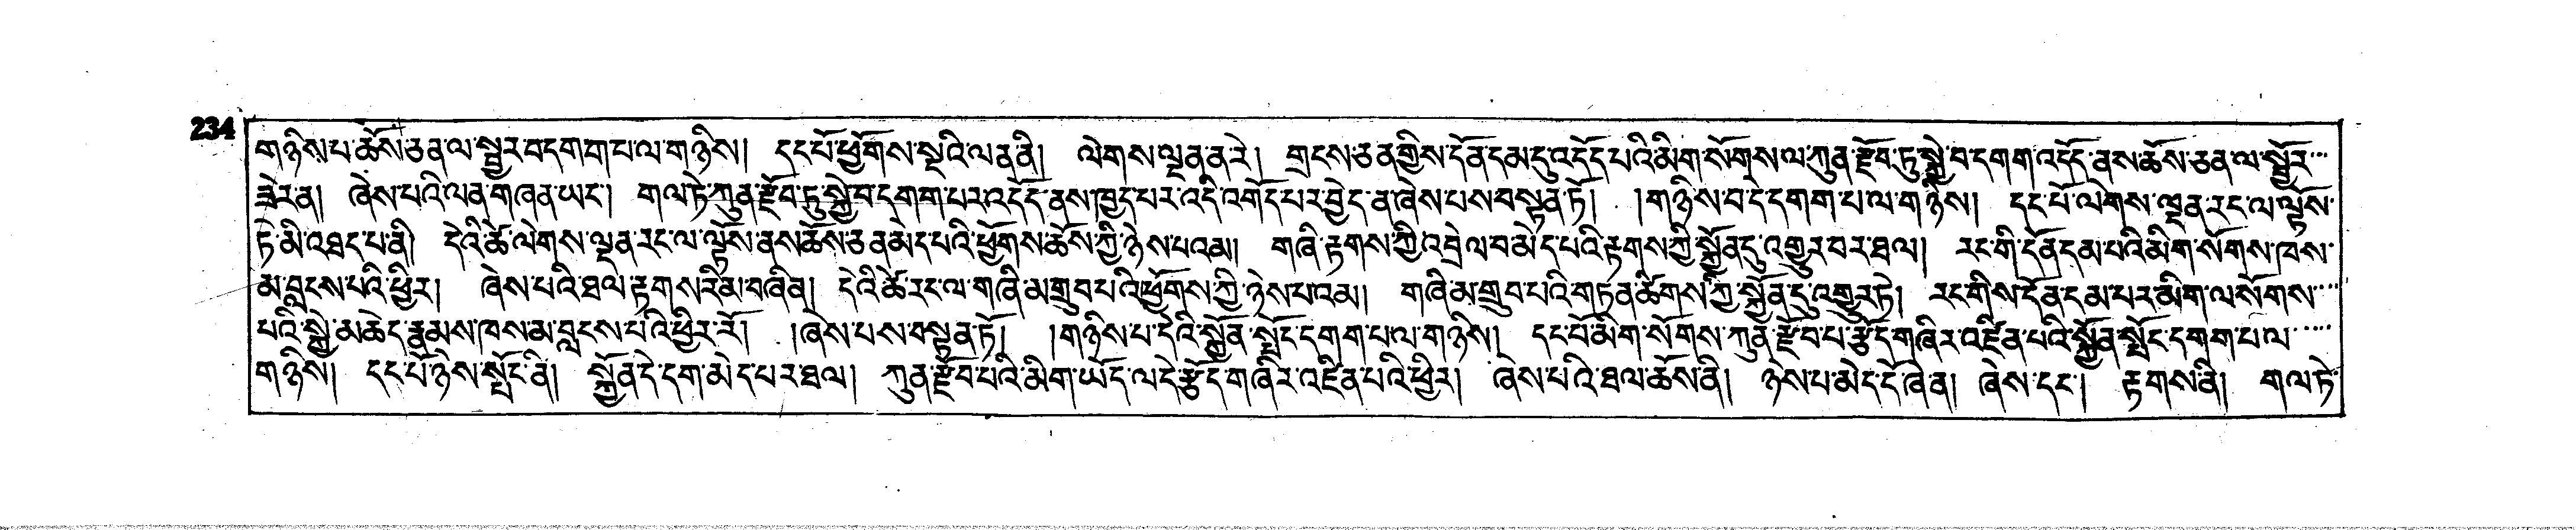གཉིས་པ་ཆོས་ཅན་ལ་སྦྱར་བ་དགག་པ་ལ་གཉིས། དང་པོ་ཕྱོགས་སྔའི་ལན་ནི། ལེགས་ལྡན་ན་རེ། གྲངས་ཅན་གྱིས་དོན་དམ་དུ་འདོད་པའི་མིག་སོགས་ལ་ཀུན་རྫོབ་ཏུ་སྐྱེ་བ་དགག་འདོད་ནས་ཆོས་ཅན་ལ་སྦྱོར་
ཟེར་ན། ཞེས་པའི་ལན་གཞན་ཡང་། གལ་ཏེ་ཀུན་རྫོབ་ཏུ་སྐྱེ་བ་དགག་པར་འདོད་ནས་ཁྱད་པར་འདི་འགོད་པར་བྱེད་ན་ཞེས་པས་བསྟན་ཏོ། །གཉིས་པ་དེ་དགག་པ་ལ་གཉིས། དང་པོ་ལེགས་ལྡན་རང་ལ་ལྟོས་
ཏེ་མི་འཐད་པ་ནི། དེའི་ཚེ་ལེགས་ལྡན་རང་ལ་ལྟོས་ནས་ཆོས་ཅན་མེད་པའི་ཕྱོགས་ཆོས་ཀྱི་ཉེས་པའམ། གཞི་རྟགས་ཀྱི་འབྲེལ་བ་མེད་པའི་རྟགས་ཀྱི་སྐྱོན་དུ་འགྱུར་བར་ཐལ། རང་གི་དོན་དམ་པའི་མིག་སོགས་ཁས་
མ་བླངས་པའི་ཕྱིར། ཞེས་པའི་ཐལ་རྟགས་རིམ་བཞིན། དེའི་ཚེ་རང་ལ་གཞི་མ་གྲུབ་པའི་ཕྱོགས་ཀྱི་ཉེས་པའམ། གཞི་མ་གྲུབ་པའི་གཏན་ཚིགས་ཀྱི་སྐྱོན་དུ་འགྱུར་ཏེ། རང་གིས་དོན་དམ་པར་མིག་ལ་སོགས་
པའི་སྐྱེ་མཆེད་རྣམས་ཁས་མ་བླངས་པའི་ཕྱིར་རོ། །ཞེས་པས་བསྟན་ཏོ། །གཉིས་པ་དེའི་སྐྱོན་སྤོང་དགག་པ་ལ་གཉིས། དང་པོ་མིག་སོགས་ཀུན་རྫོབ་པ་རྩོད་གཞིར་འཛིན་པའི་སྐྱོན་སྤོང་དགག་པ་ལ་
གཉིས། དང་པོ་ཉེས་སྤོང་ནི། སྐྱོན་དེ་དག་མེད་པར་ཐལ། ཀུན་རྫོབ་པའི་མིག་ཡོད་ལ་དེ་རྩོད་གཞིར་འཛིན་པའི་ཕྱིར། ཞེས་པའི་ཐལ་ཆོས་ནི། ཉེས་པ་མེད་དོ་ཞེ་ན། ཞེས་དང་། རྟགས་ནི། གལ་ཏེ་